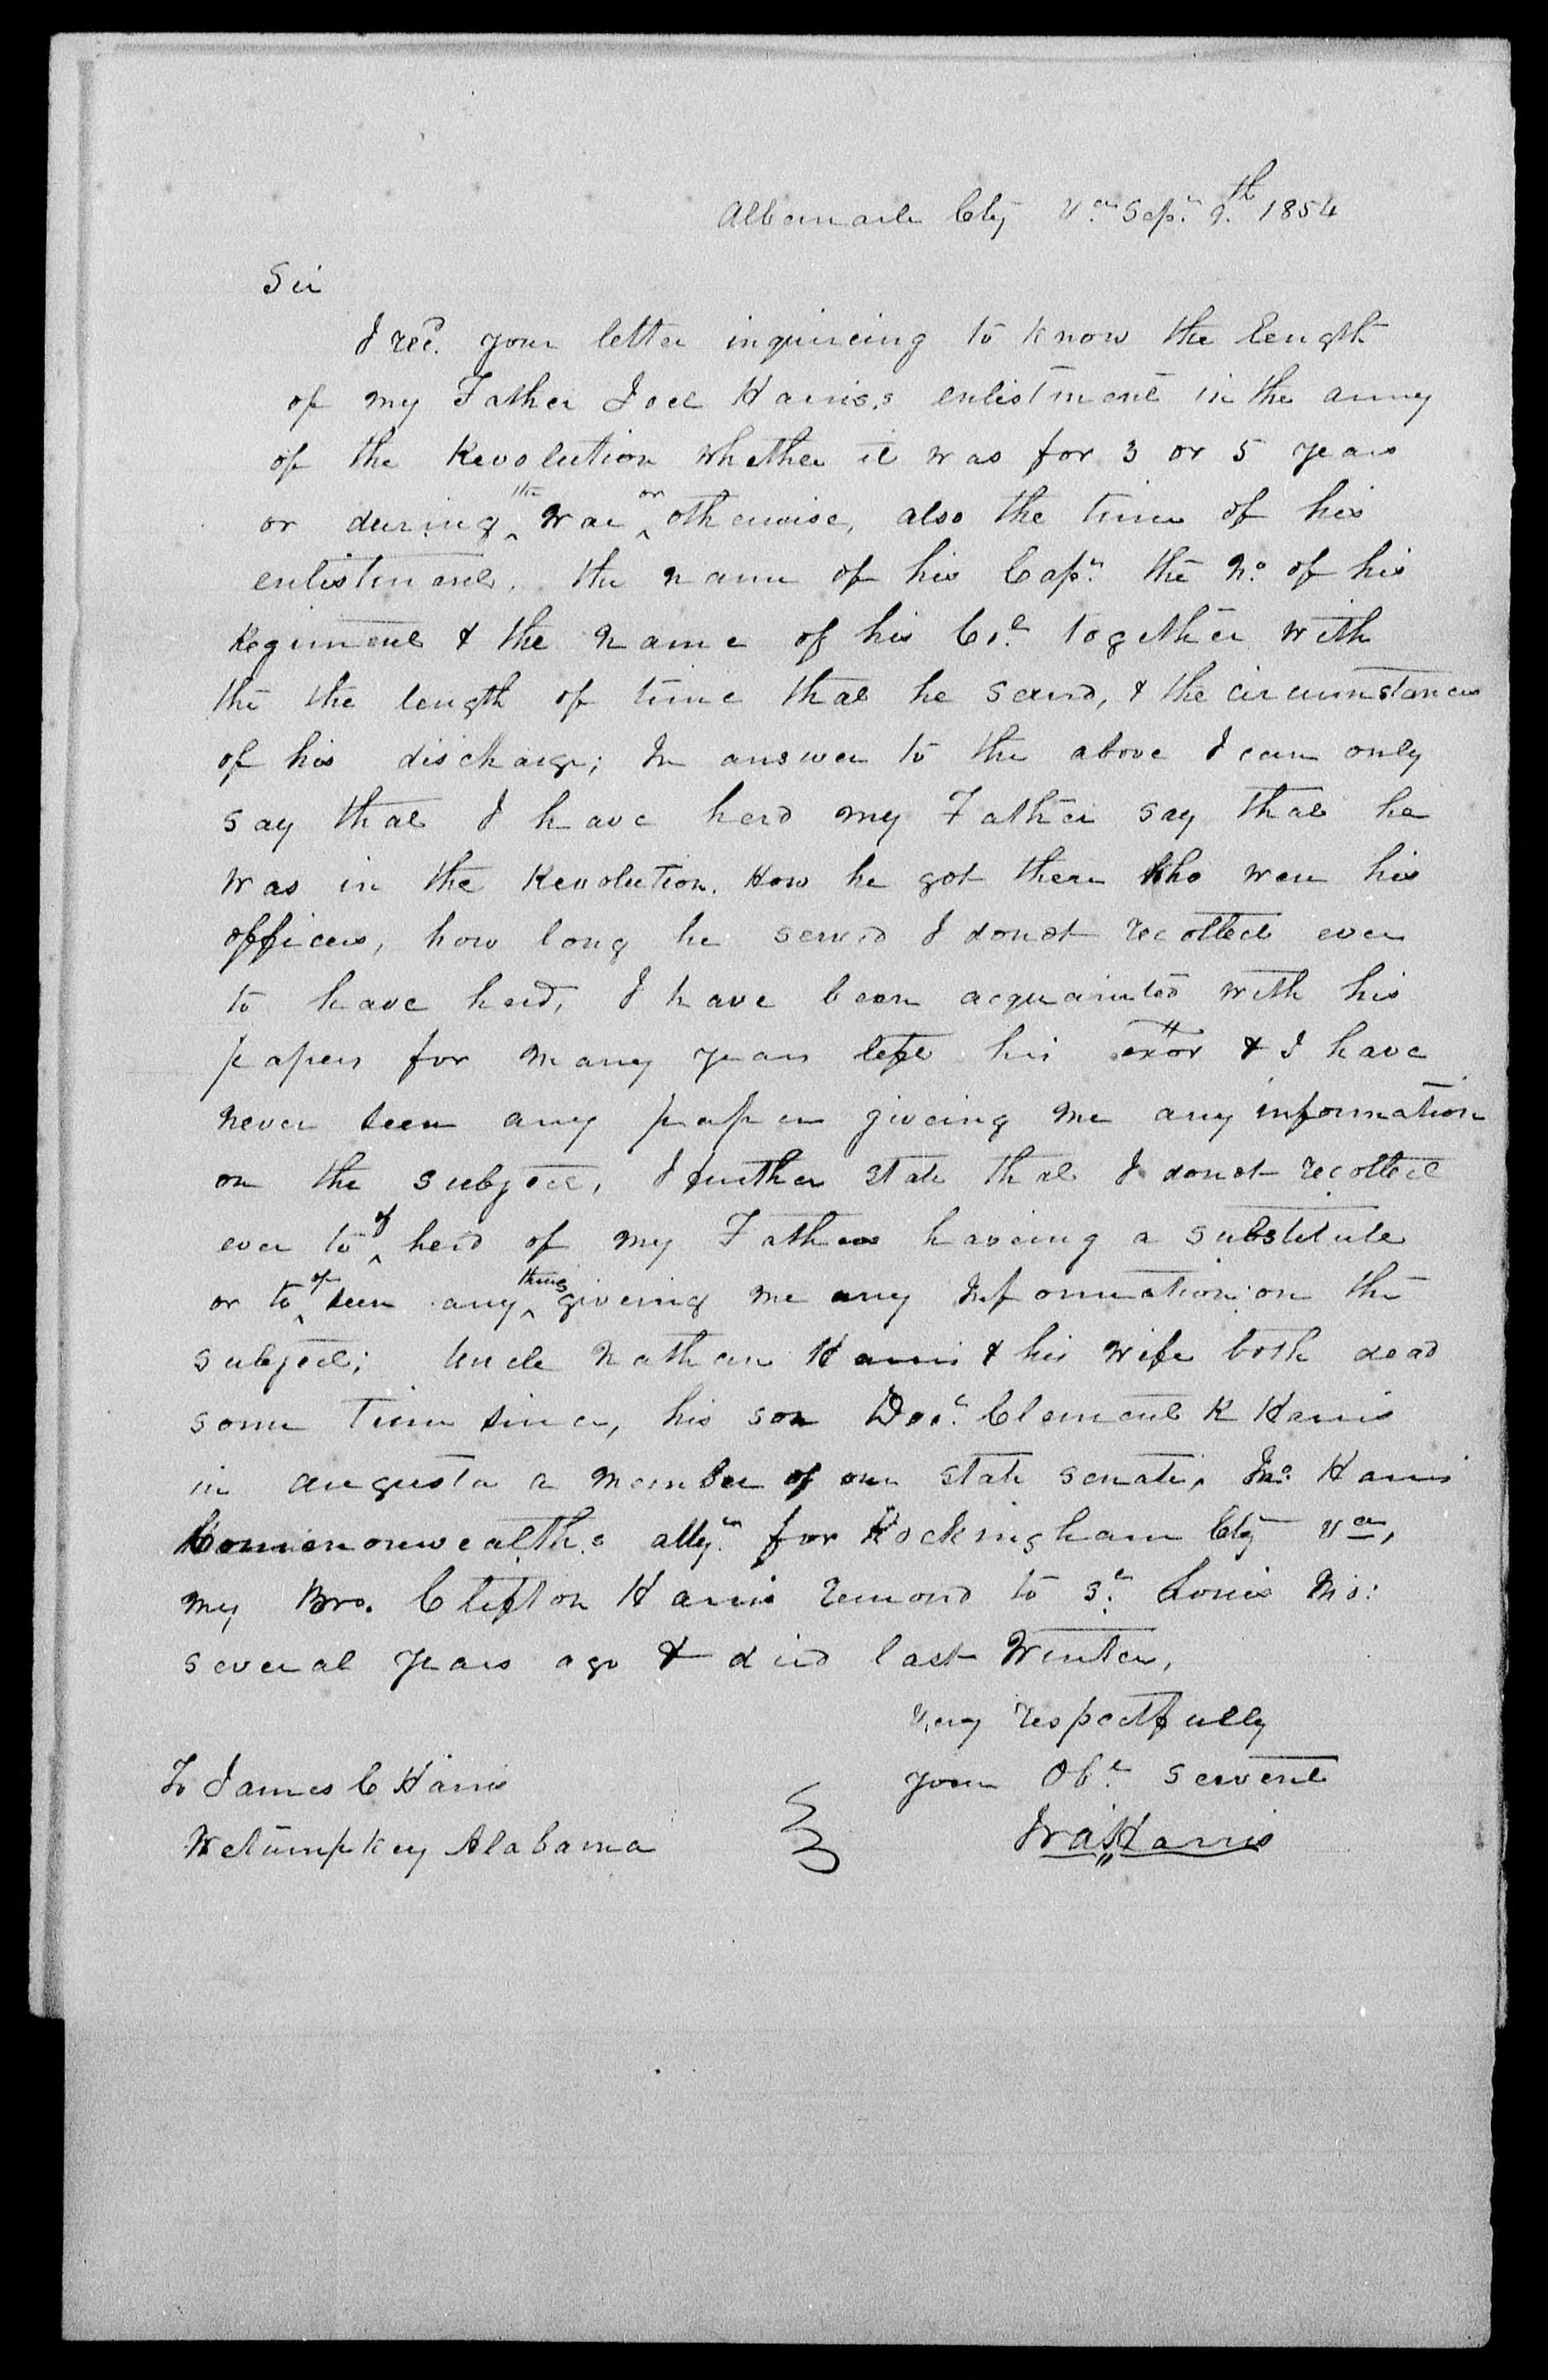Albemarle City  Va   Sept 9th 1856

Sir
I recd. you letter inquiring to know the length of my Father Joel Harris's enlistment in the army of the Revolution whether it was for 3 or 5 years or during the War or otherwise, also the times of his enlistment, the name of his Capn. the no. of his Regiment & the name of his Col. together with the the [sic] length of time that he served, & the circumstances of his discharge.  In answer to the above I can only say that I have herd [sic] my Father say that he was in the Revolution, how he got there, who were his officers, how long he served, I do not recollect ever to of herd [sic] of my Father having a substitute or to of seen any thing giving me any Information on the subject.  Uncle Nathan Harris & his wife both decd. some time since, his son Dr. Clement K Harris in Augusta, a member of our state senate, Jno. Harris Commonwealth's attyn. for Rockingham City --Va, my Bro. Clifton Harris removed to St. Louis Mo,  several years ago & died last Winter.
Very respectfully
Your Obt Servant
Ifa Harris

To James C. Harris  }
Wetumpka Alabama  }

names: Ira Harris, James C Harris, Clifton Harris, Joel Harris, Clement K Harris, Jno Harris, Nathan Harris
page: 151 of 160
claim: rejected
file: R. 4666, James Harris, Va.